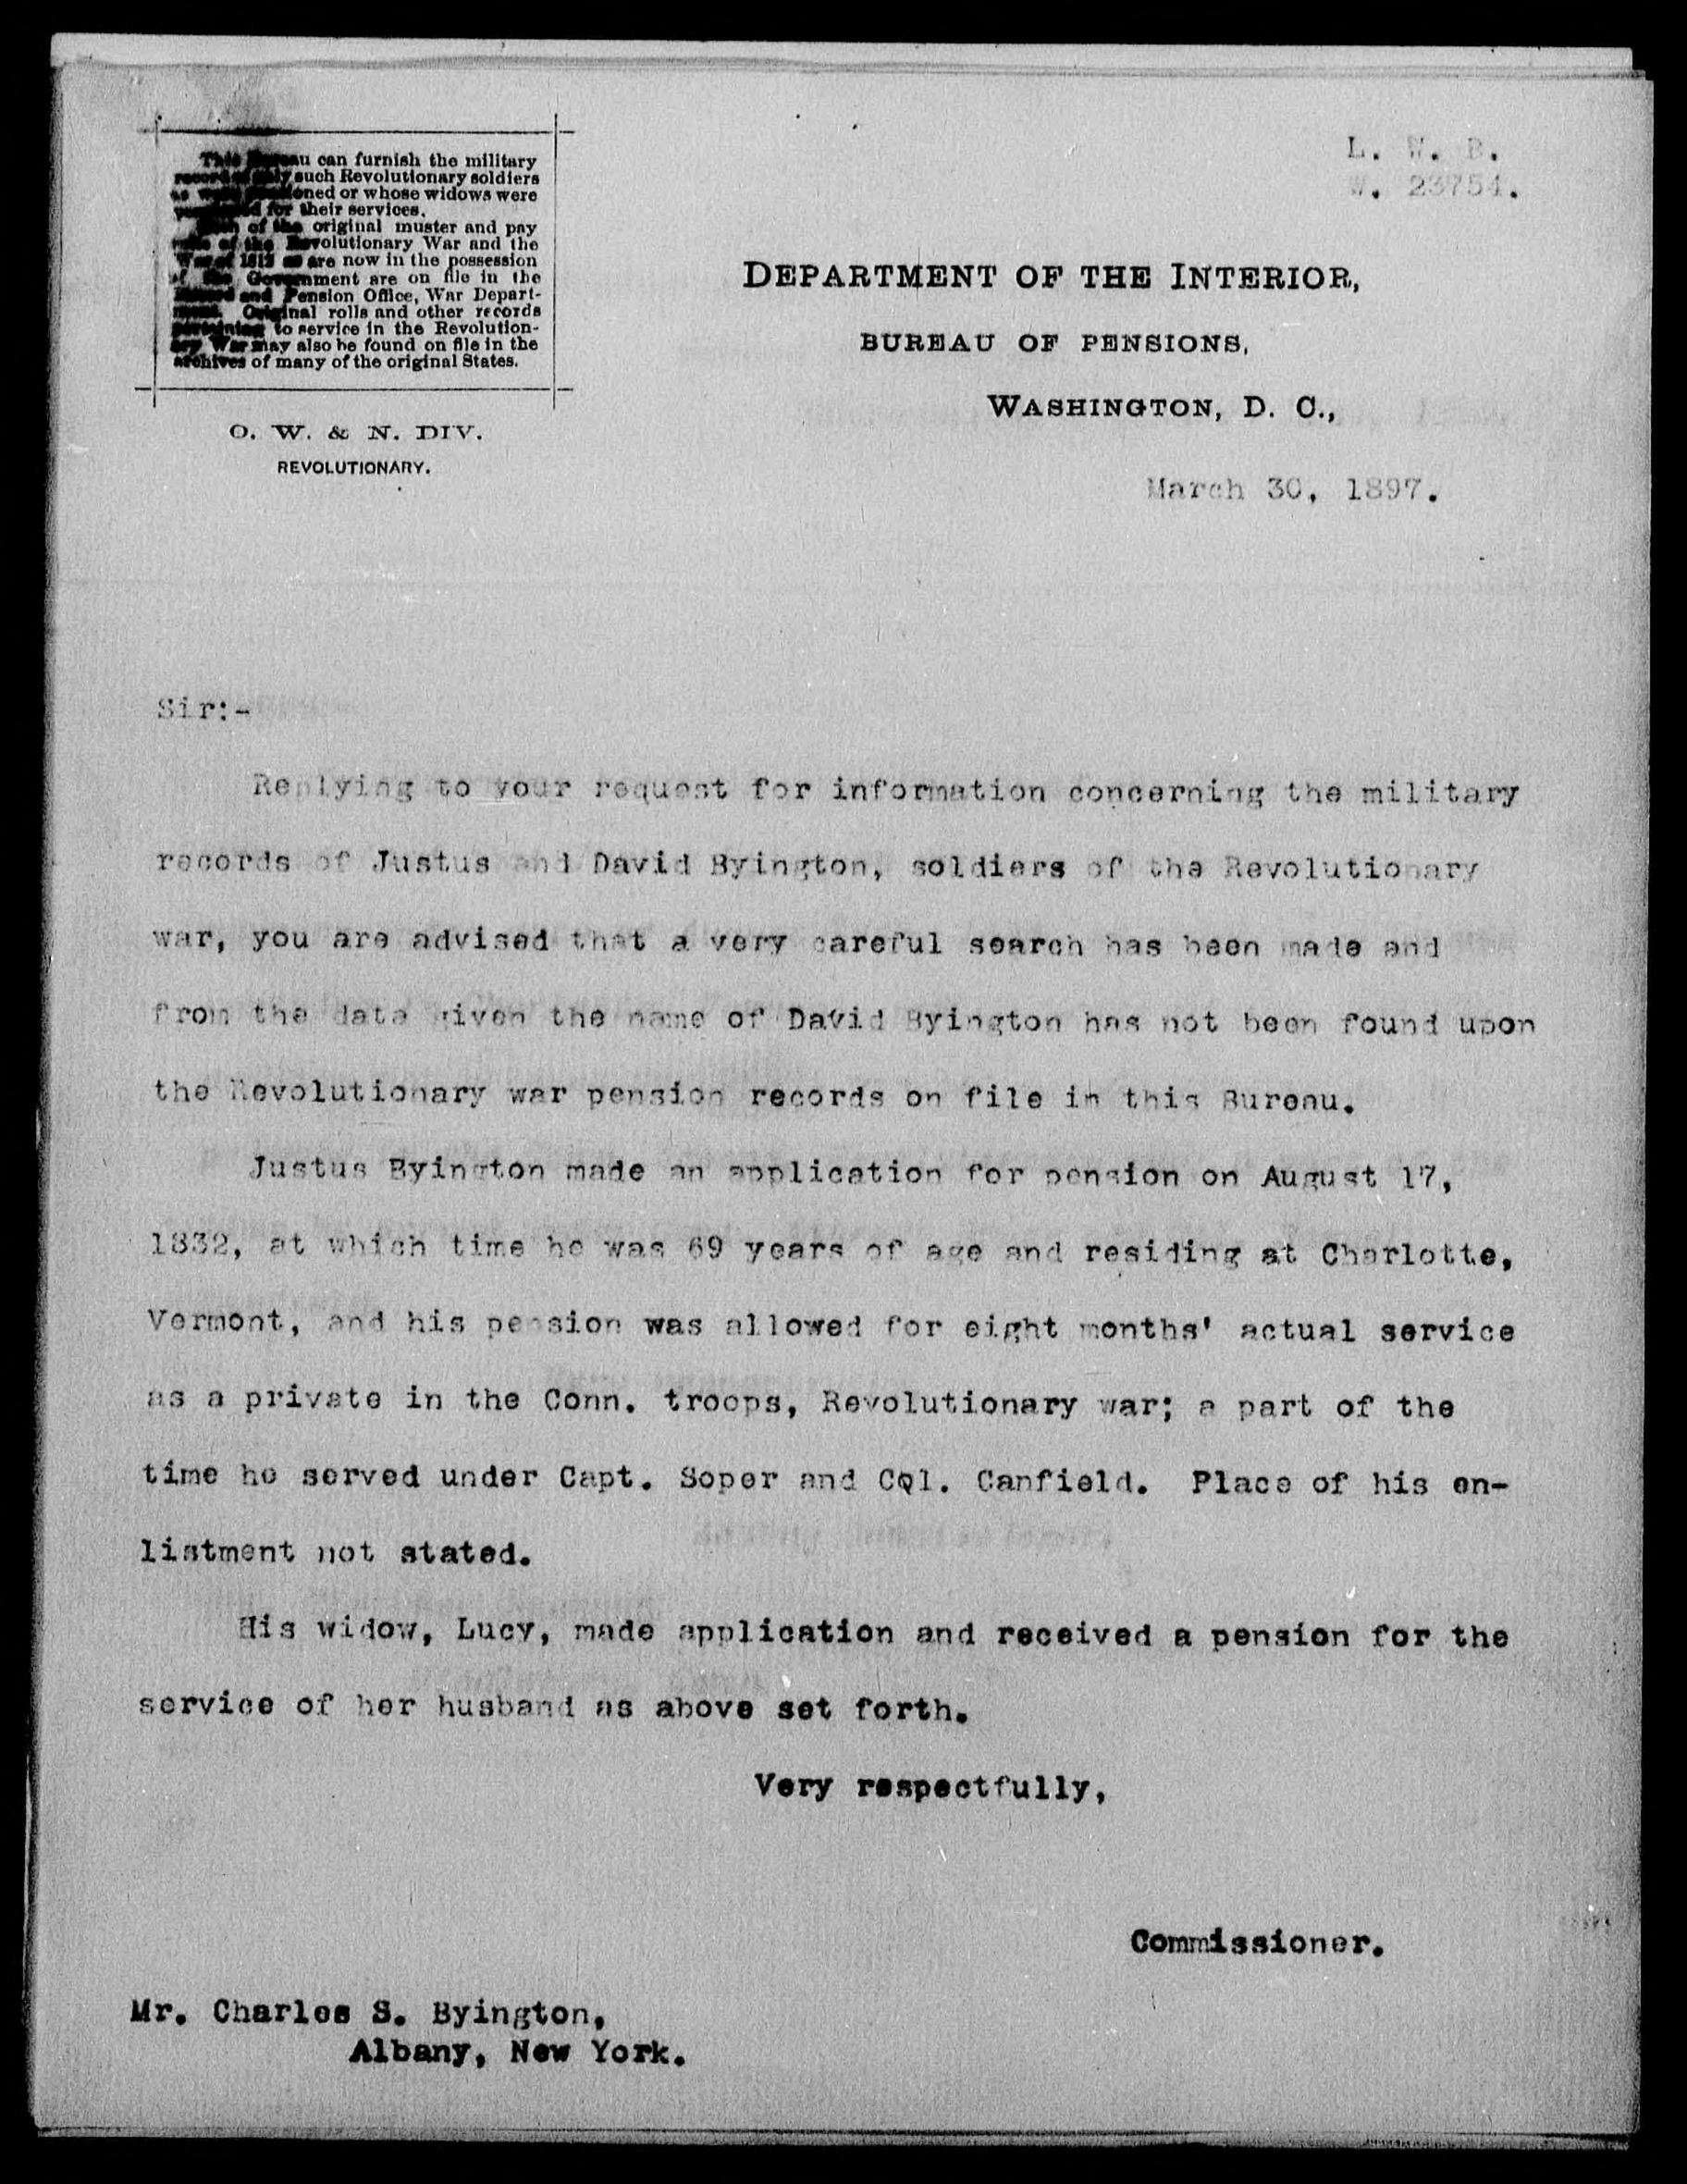This Bureau can furnish the military records of only such Revolutionary soldiers to which [illegible] or whose widows were pensioned for their services.
Copy of the original muster and pay rolls of the Revolutionary War and the War of 1812 are now in the possession of the Government are on file in the [illegible] and Pension Office, War Department. Original rolls and other records pertaining to service in the Revolutionary War may also be found on file int he archives of many of the original States.

L. W. B.
W. 23754.

DEPARTMENT OF THE INTERIOR,
BUREAU OF PENSIONS
WASHINGTON, D. C.,
March 30, 1897

O. W. & N. DIV
REVOLUTIONARY

Sir: - 
Replying to your request for information concerning the military records of Justus and David Byington, soldiers of the Revolutionary War, you are advised that a very careful search has been made and from the data given the name of David Byington has not been found upon the Revolutionary war pension records on file in this Bureau.
Justus Byington made an application for pension on August 17, 1832, at which time he was 69 years of age and residing at Charlotte, Vermont, and his pension was allowed for eight months' actual service as a private in the Conn. troops, Revolutionary War; a part of the time he served under Capt. Soper and Col. Canfield. Place of his enlistment not stated.
His widow, Lucy, made application and received a pension for the service of her husband as above set forth.
Very respectfully,
Commissioner.

Mr. Charles S. Byington
Albany, New York.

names: David Byington, Charles S Byington, Justus Byington, Lucy, David Byington, Canfield, Soper, Justus Byington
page: 77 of 79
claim: widow's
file: W. 23754, Justus Byington, Conn.